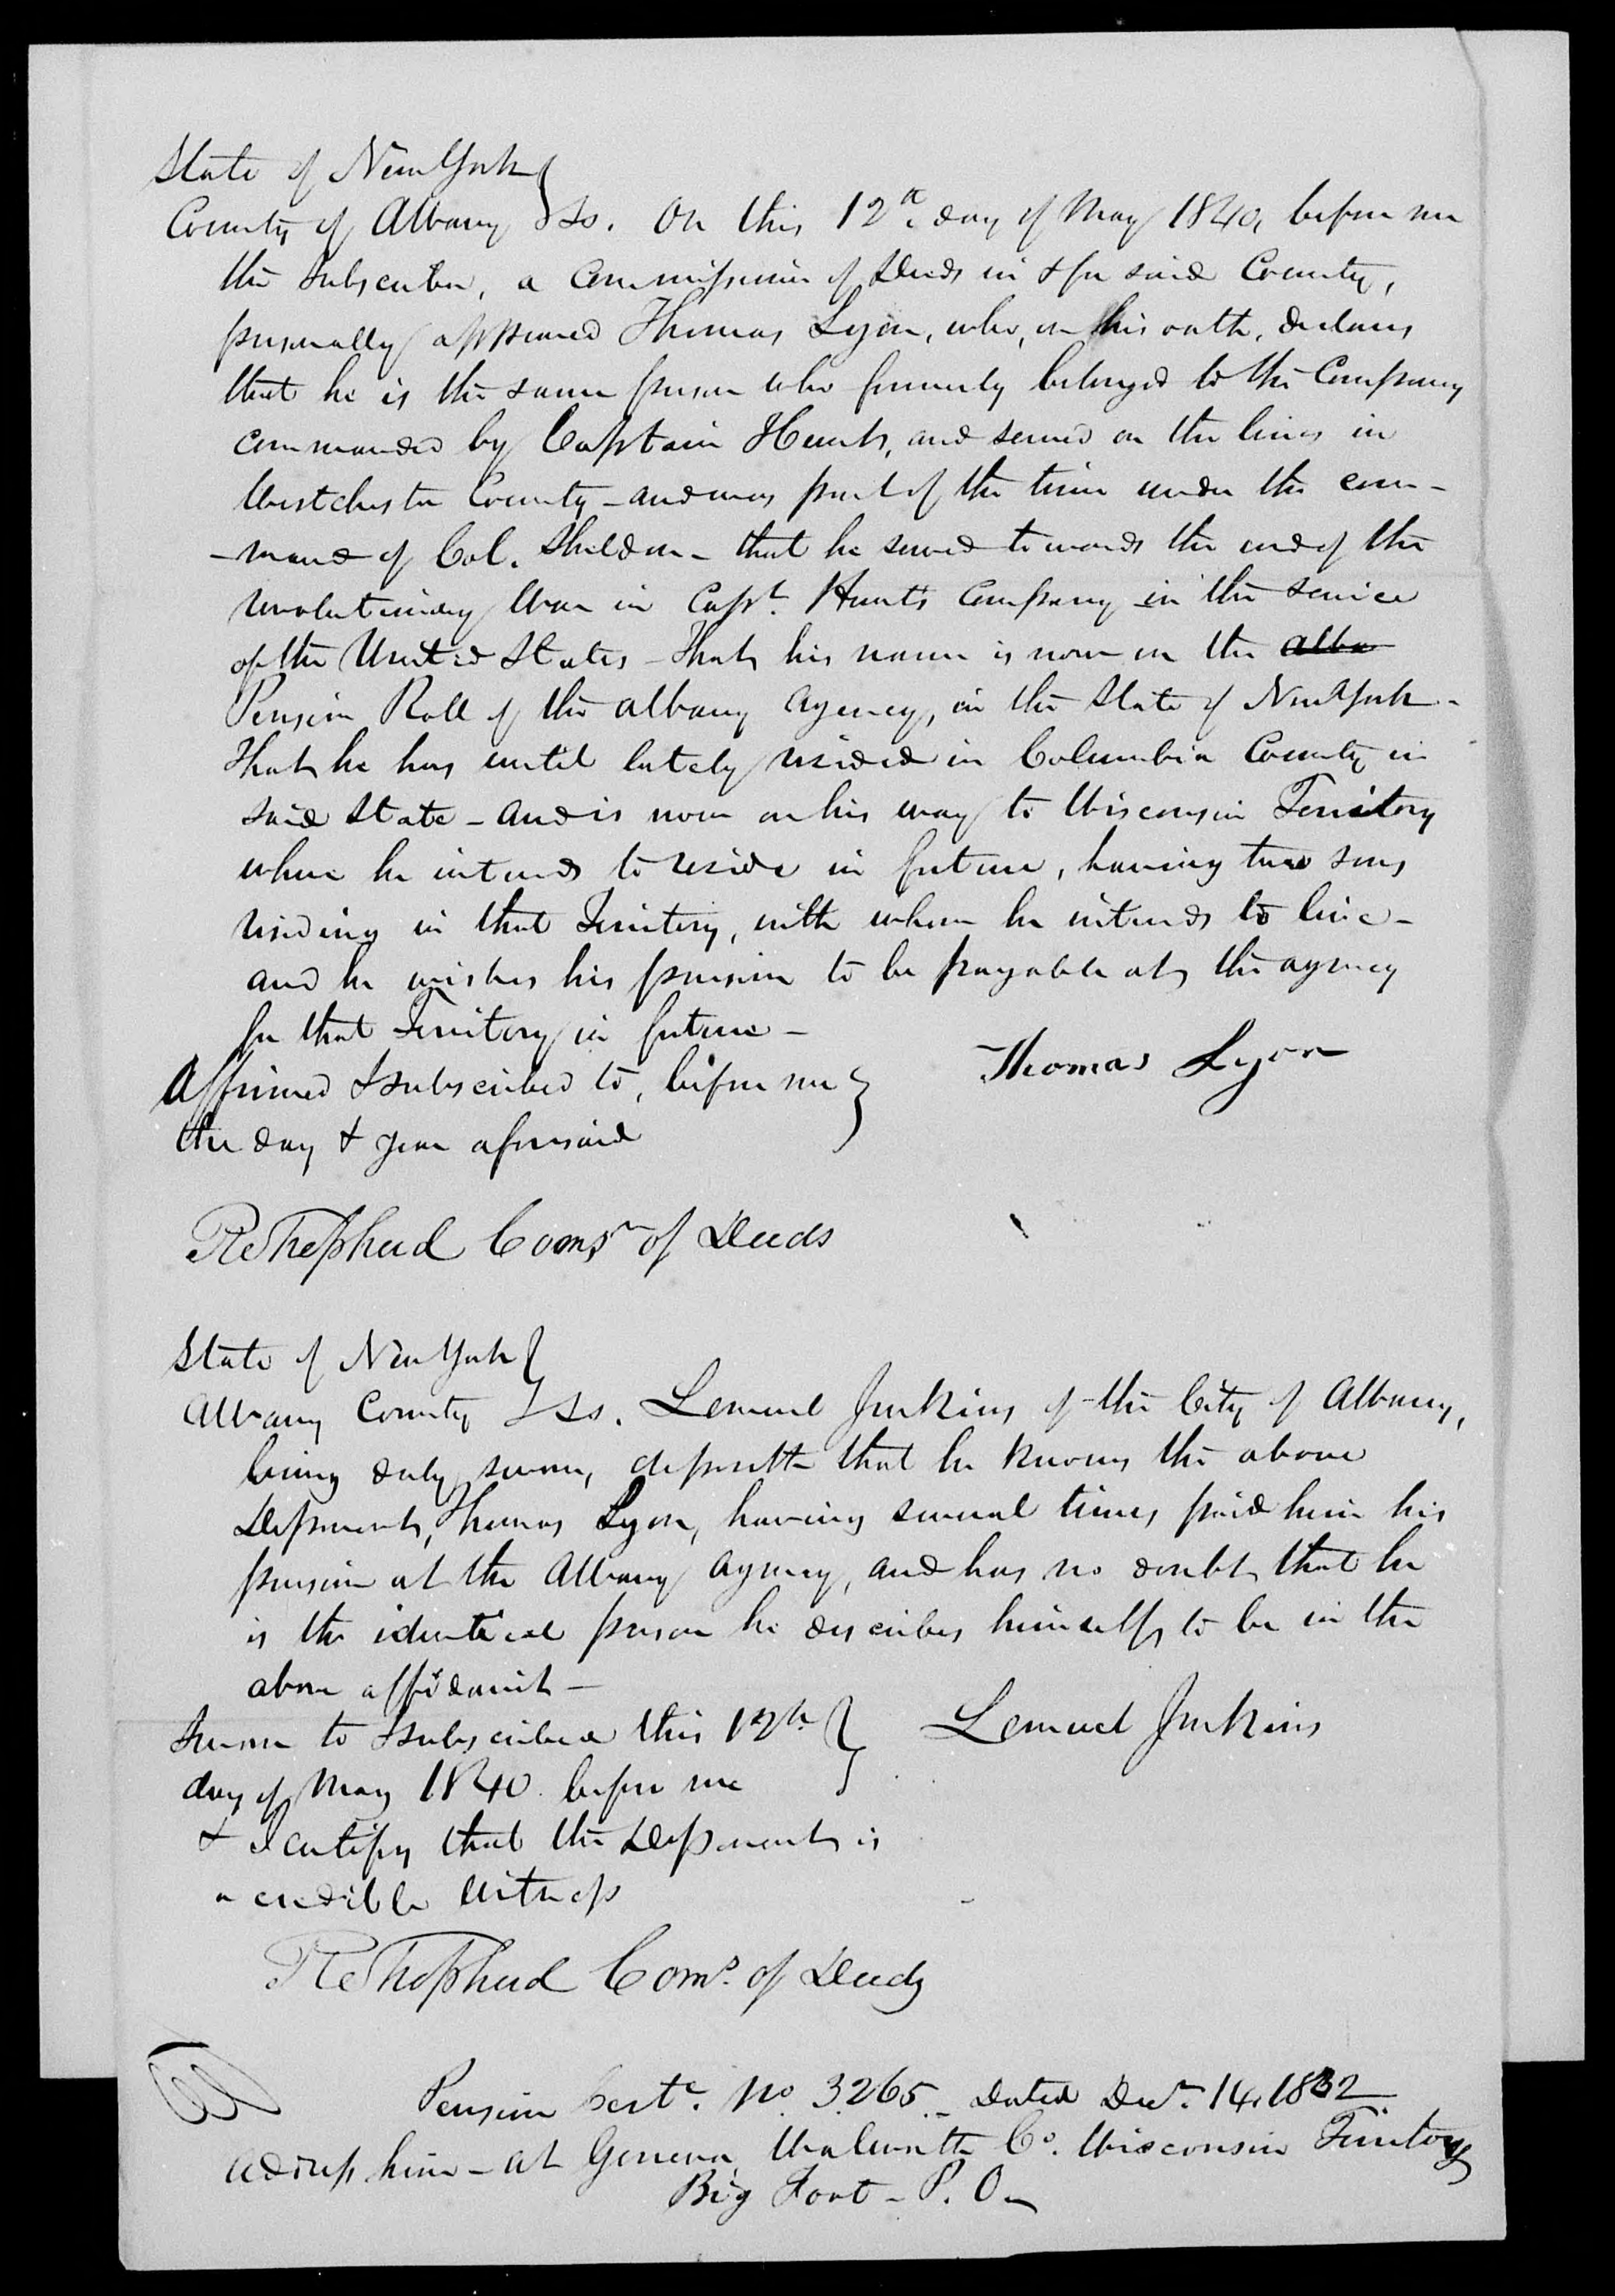State of New York
County of Albany Ss. On this 12th day of May 1840, before me the subscriber, a Commissioner of Deeds in & for said County, personally appeared Thomas Lyon, who, on his oath, declares that he is the same person who formerly belonged to the Company commanded by Captain Hunt, and served on the lines in Westchester County and was part of the time under the command of Col. Sheldon - that he served towards the end of the revolutionary war in Capt Hunt's Company in the service of the United States that his name is now on the Pension Roll of the Albany Agency, in the State of New York. That he has until lately resided in Columbia County in said State, and is now on his way to Wisconsin Territory when he intends to reside in future, having two sons riding in that Territory, with whom he intends to live, and he wishes his pension to be payable at the agency for that Territory in future-
[signed]Thomas Lyon
Affirmed & subscribed to before me
the day & year aforesaid
[signed]R. Shepherd Coms'r of Deeds

State of New York
Albany County ss. Lemuel Jenkins of the City of Albany, being duly sworn, deposeth that he knows by the above Deponent Thomas Lyon, having several times paid him his pension at the Albany Agency, and has no doubt that he
is the identical person he describes himself to be in the above affidavit-
[signed]Lemuel Jenkins
Sworn to & subscribed this 12th
day of May 1840 before me
& I certify that the Deponent is
a credible witness
[signed]R. Shephed Com'r of Deeds

Pension Cert No 3265. Dated Dec. 14, 1832
Admiss him at Geneva Walworth Co Wisconsin Territory
Big Fort-P.O.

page: 27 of 28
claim: survivor's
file: S. 21,872, for Thomas Lyon, New York